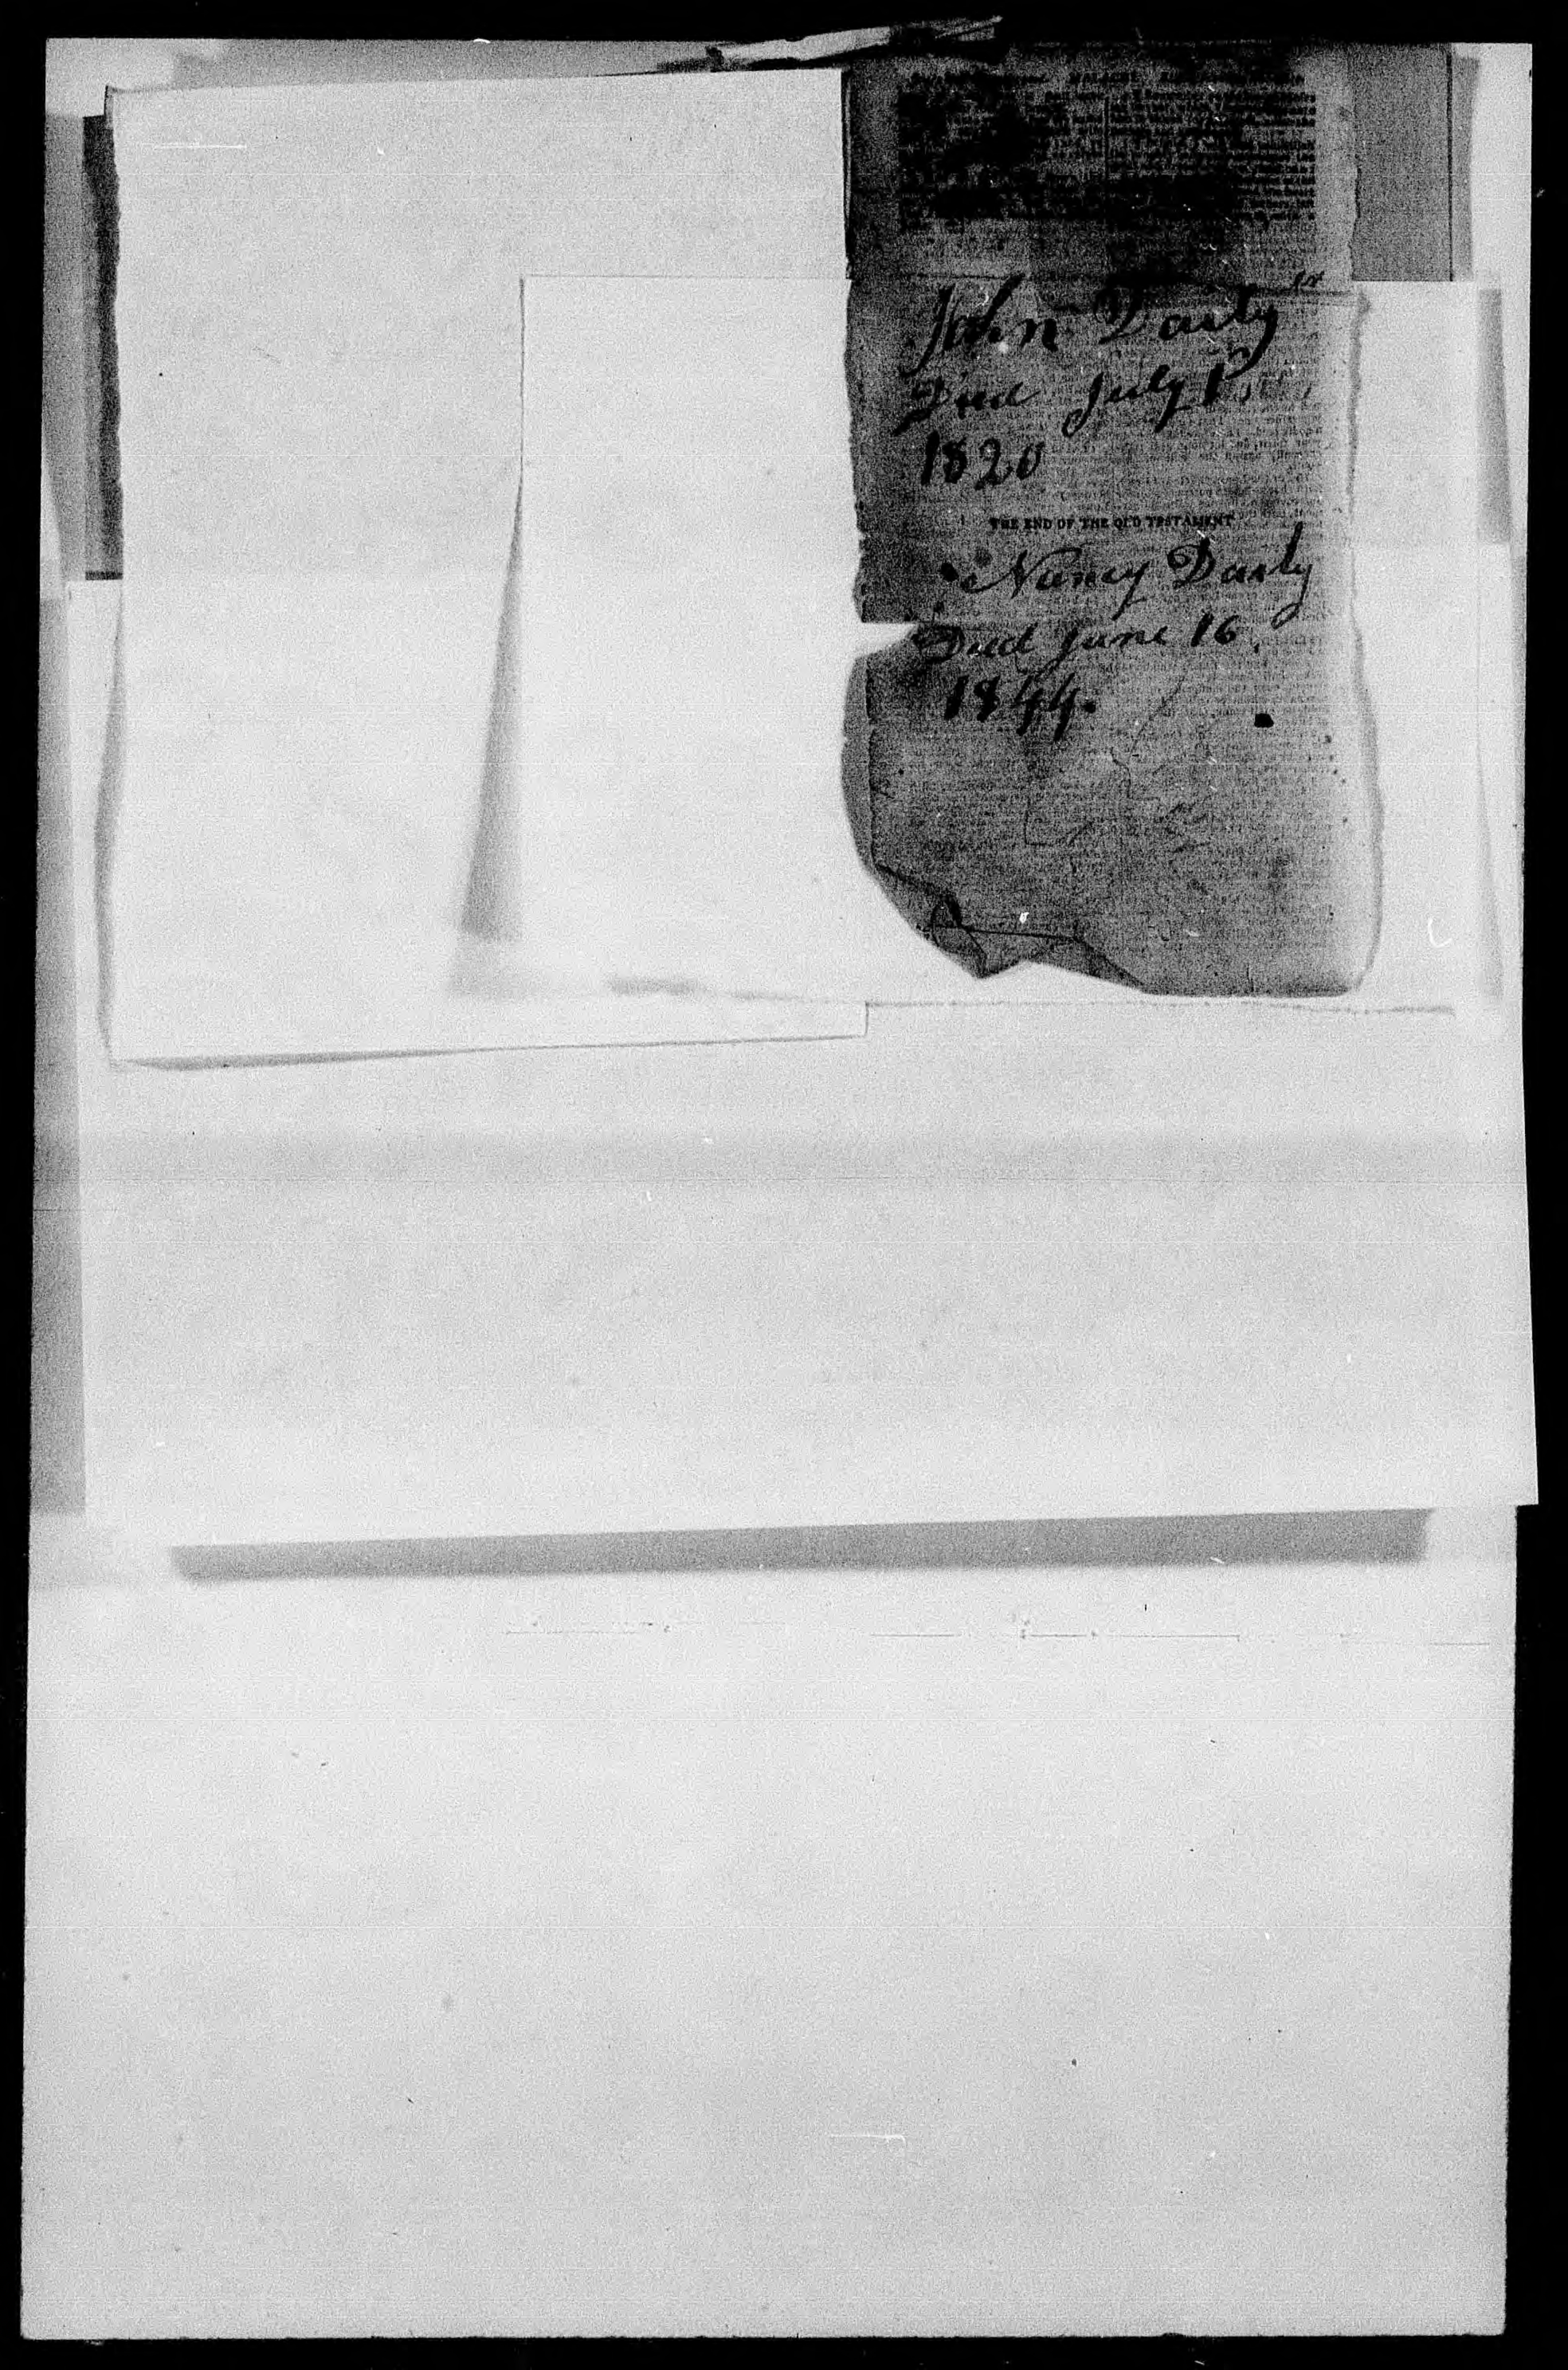John Daliy
Died July 1
1820

THE END OF THE OLD TESTAMENT

Nancy Daily
Died June 16
1844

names: Nancy Daily, John Daily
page: 8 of 63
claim: widow's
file: W. 3228, John Daly, Penn.